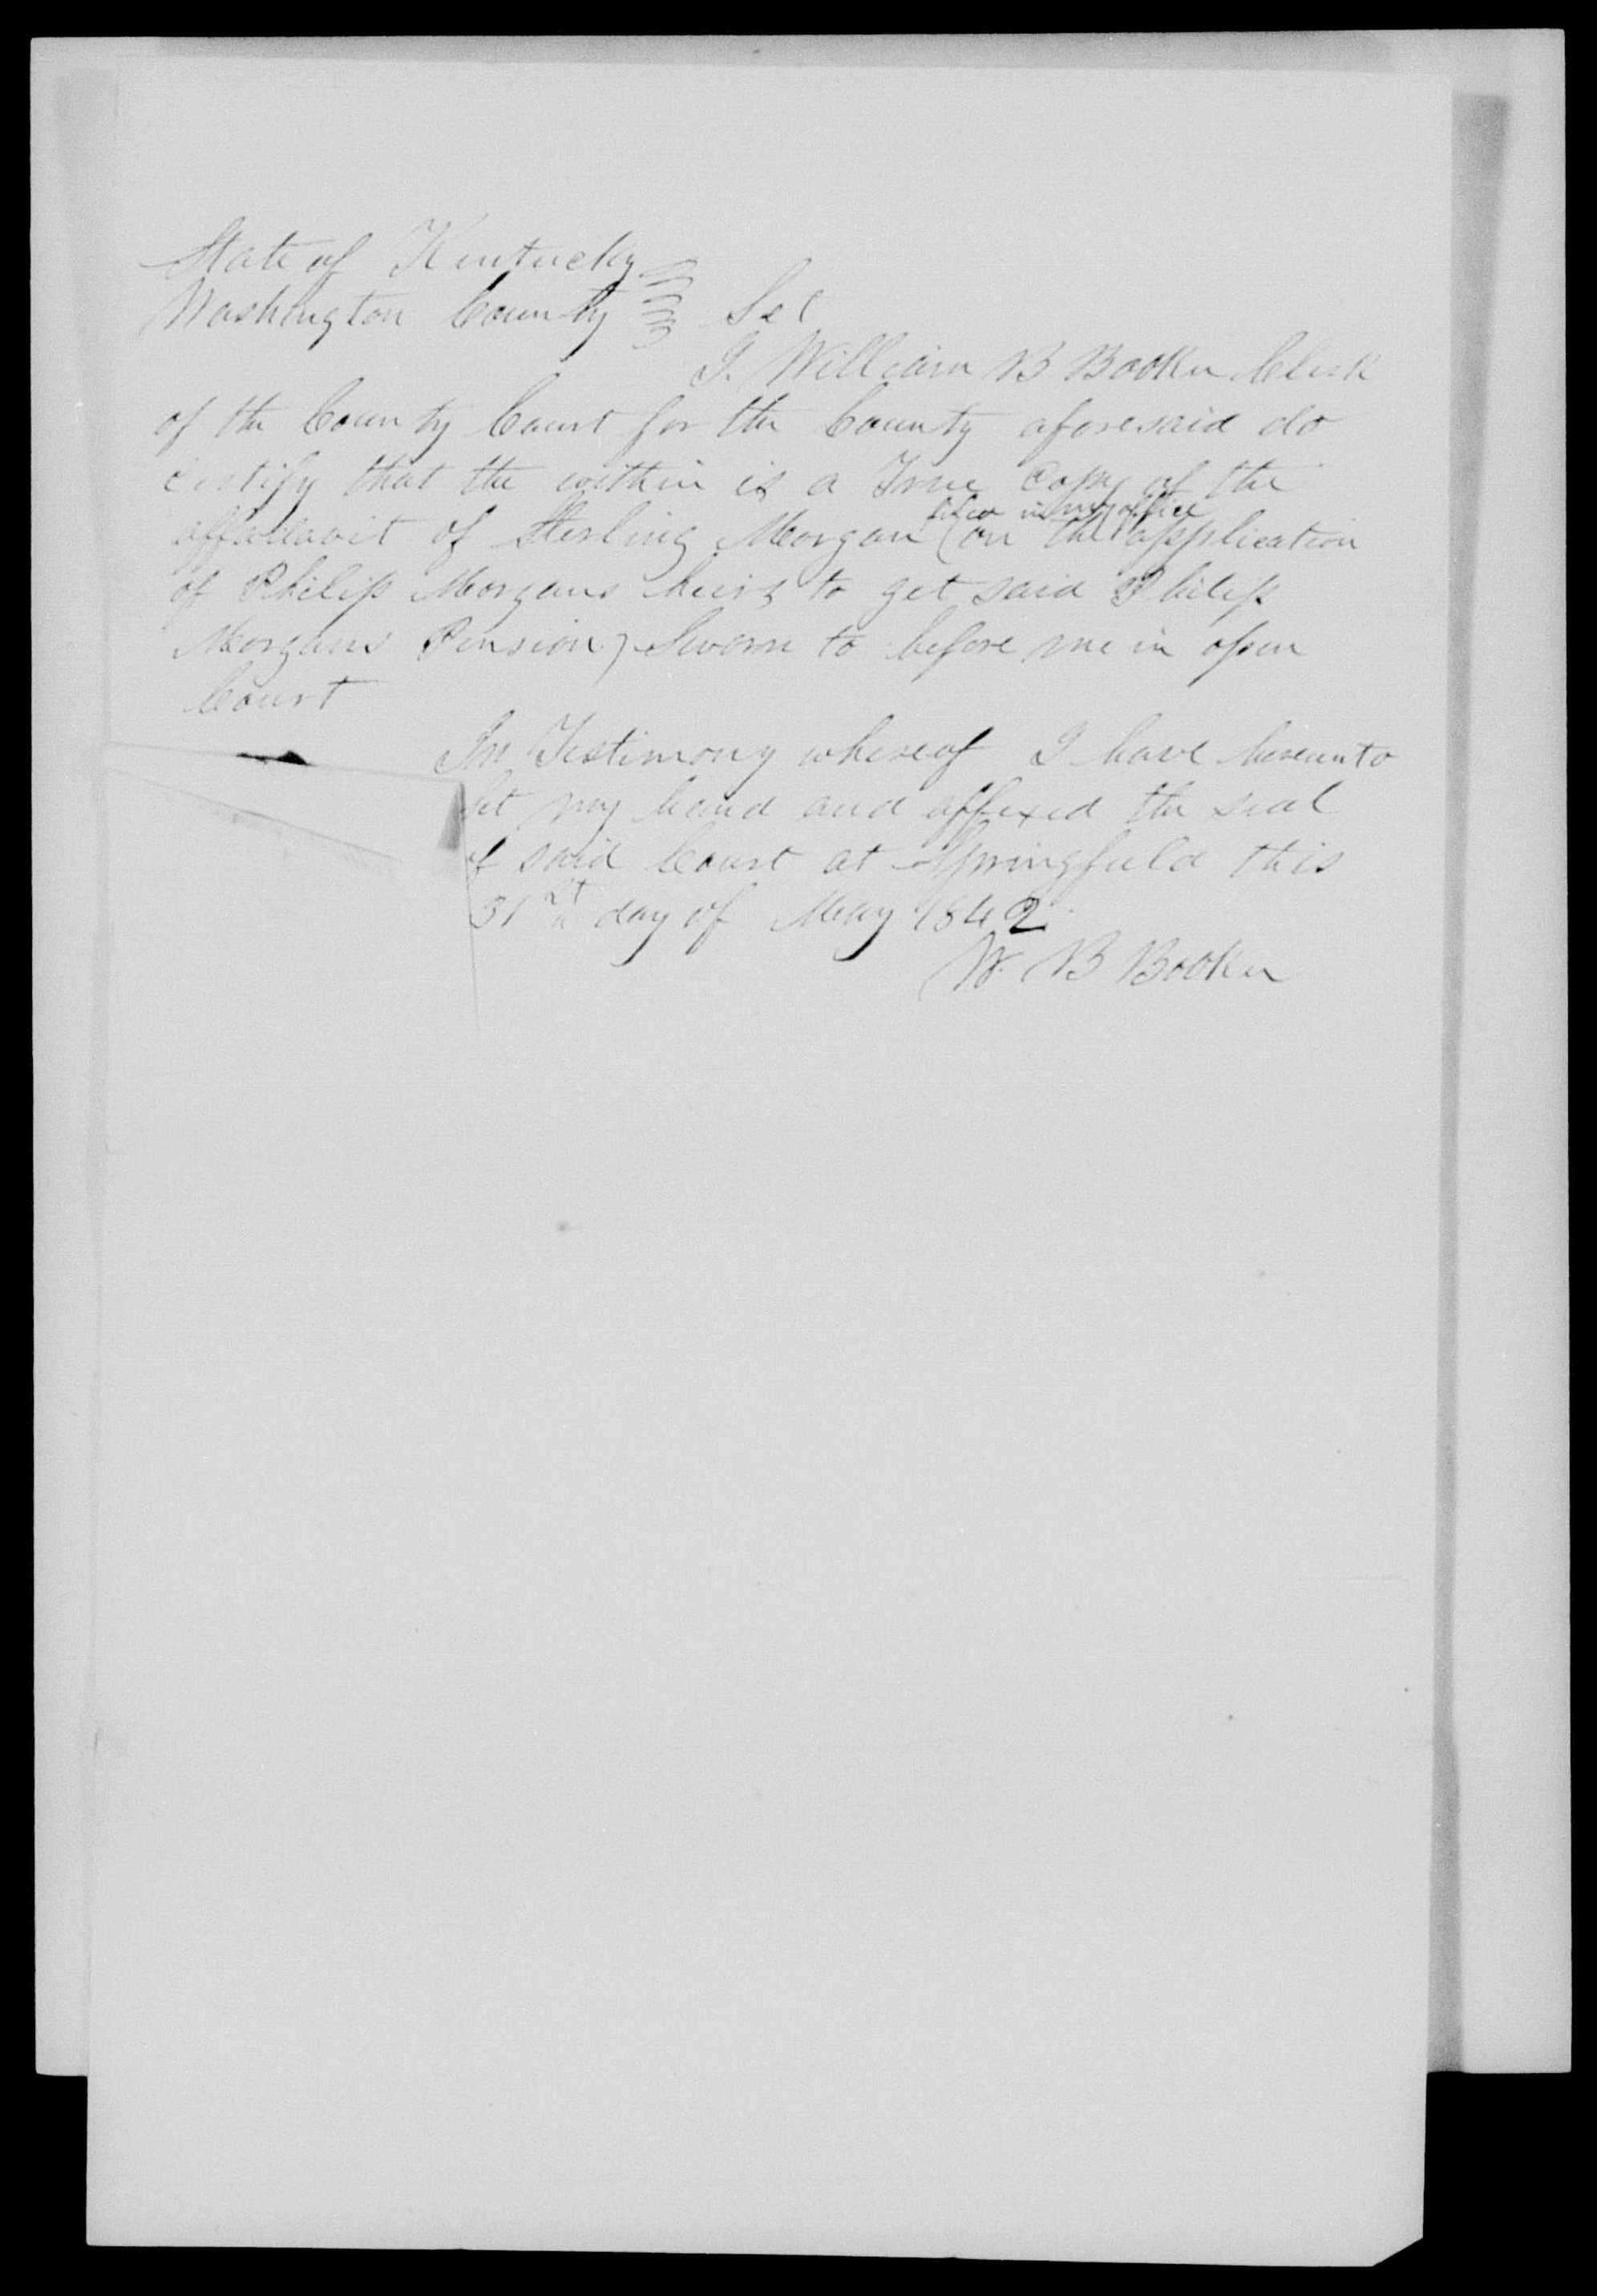State of Kentucky
Washington County Sct
I William B Booker Clerk
of the County Court for the County aforesaid do
certify that the within is a true copy of the
affidavit of Sterling Morgan filed in my office on the application of Philip Morgans heirs to get said Philip Morgans Pension Sworn to before me in open Court
In Testimony whereof I have hereunto
Set my hand and affixed the seal
of said Court at Springfield this
31st day of May 1842 
W B Booker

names: William B Booker; Philip Morgan; Sterling Morgan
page: 14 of 16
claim: rejected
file: R 7386, for Philip Morgan, Georgia